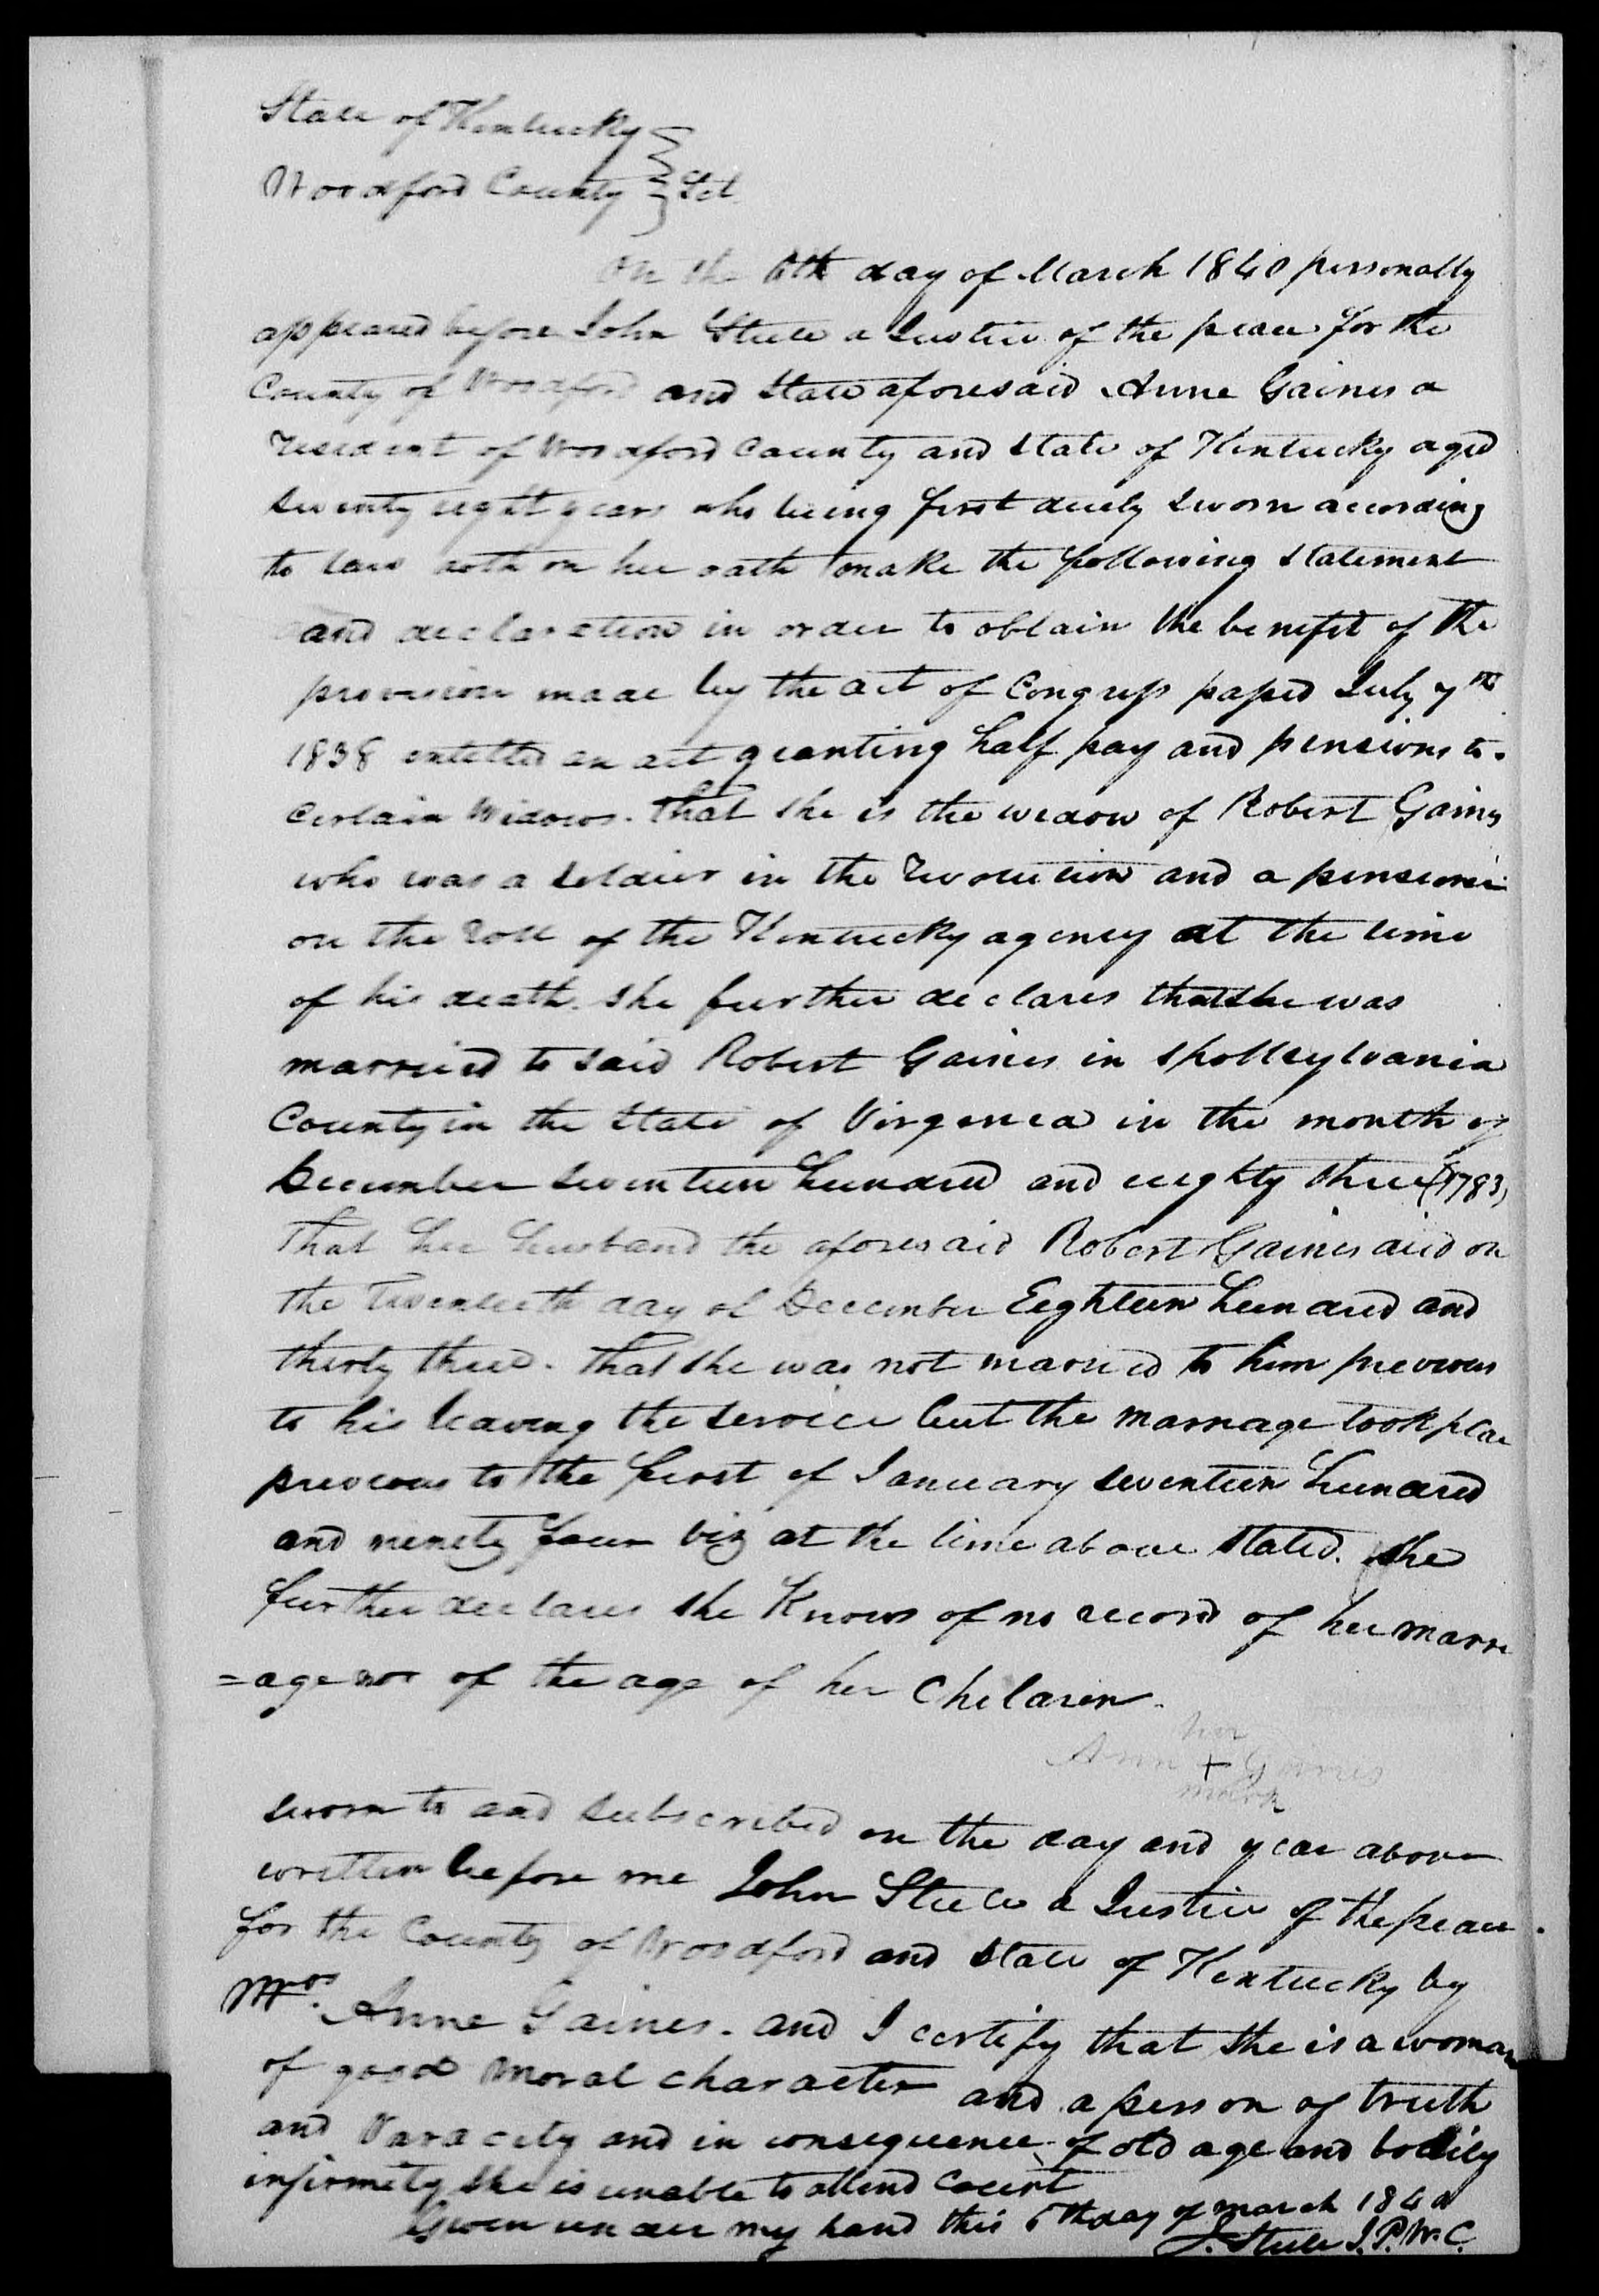State of Kentucky
Woodford County Sct
On the 6th day of March 1860 personally
appeared before John Steele a Justice of the peace for the
County of Woodford and State aforesaid Anne Gaines
resident of Woodford County and State of Kentucky aged
seventy eight years who being first duly sworn according 
to law doth on her oath make the following statement
and declaration in order to obtain the benefit of the
provision made by the act of Congress passed July 7th
1838 entitled an act granting half pay and pensions to
certain widows. that she is the widow of Robert Gains
who was a soldier in the Revolution and a pension
on the roll of the Kentucky agency at the time
of his death. She further declares that she was
married to said Robert Gaines in Spotsylvania
County in the State of Virginia in the month of
December Seventeen hundred and eighty three (1783)
that her husband the aforesaid Robert Gaines died on
the Twentieth day of December Eighteen hundred and
thirty three. That she was not married to him previous
to his leaving the service but the marriage took place
previous to the first of January seventeen hundred
and ninety four viz at the time above stated. She
further declares she knows of no record of her marriage
nor of the age of her children.
Ann her x mark Gaines
Sworn to and subscribed on the day and year above
written before me John Steele a Justice of the peace
for the County of Woodford and State of Kentucky by
Mrs. Anne Gaines, and I certify that she is a woman
of good moral character and a person of truth
and varacity and in consequence of old age and bodily
infirmity she is unable to attend court
Given under my hand this 6th day of March 1860
J. Steele J.P.WC.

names: John Steele, John Steele, Robert Gaines, Robert Gaines, J Steele, Robert Gaines, Anne Gaines, Ann Gaines, Anne Gaines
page: 10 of 79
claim: rejected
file: R. 3863, Robert Gaines, Va.